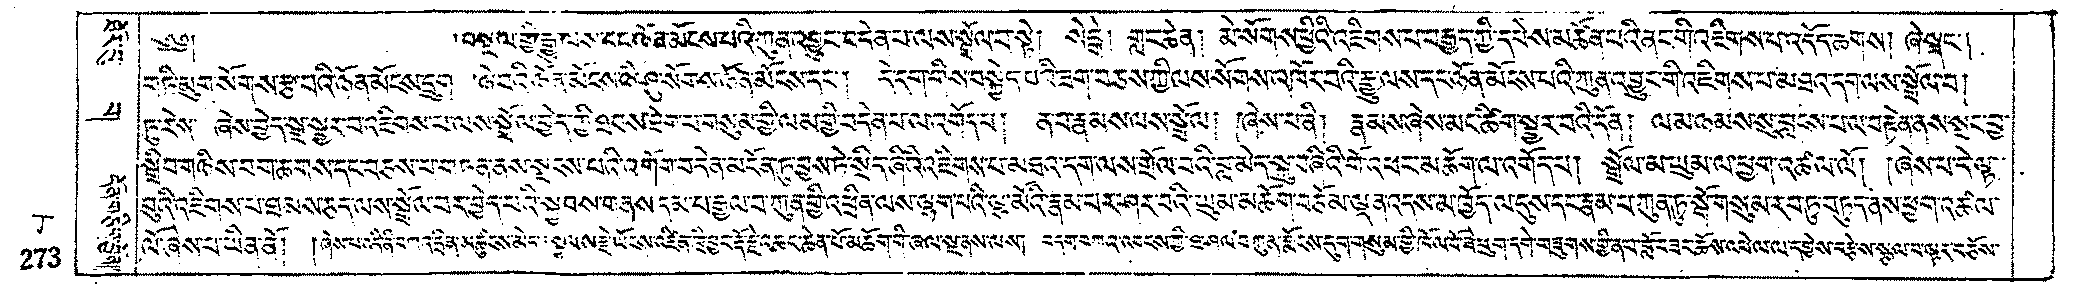༄༅། །བསྔལ་གྱི་རྒྱུ་ལས་དང་ཉོན་མོངས་པའི་ཀུན་འབྱུང་བདེན་པ་ལས་སྒྲོལ་བ་སྟེ། སེངྒེ། གླང་ཆེན། མེ་སོགས་ཕྱིའི་འཇིགས་པ་བརྒྱད་ཀྱི་དཔེས་མཚོན་པའི་ནང་གི་འཇིགས་པ་འདོད་ཆགས། ཞེ་སྡང་།
གཏི་མུག་སོགས་རྩ་བའི་ཉོན་མོངས་དྲུག །ཉེ་བའི་ཉོན་མོངས་ཉི་ཤུ་སོགས་ཉོན་མོངས་དང་། དེ་དག་གིས་བསྐྱེད་པའི་ཟག་བཅས་ཀྱི་ལས་སོགས་འཁོར་བའི་རྒྱུ་ལས་དང་ཉོན་མོངས་པའི་ཀུན་འབྱུང་གི་འཇིགས་པ་མཐའ་དག་ལས་སྒྲོལ་བ།
ཏུ་རེས་ཞེས་བྱེད་སྒྲ་སྦྱར་བ་འཇིགས་པ་ལས་སྒྲོལ་བྱེད་ཀྱི་ཐབས་ཐེག་པ་གསུམ་གྱི་ལམ་གྱི་བདེན་པ་ལ་འགོད་པ། ན་བ་རྣམས་ལས་སྒྲོལ། །ཞེས་པ་ནི། རྣམས་ཞེས་མང་ཚིགས་སྦྱར་བའི་དོན། ལམ་ཉམས་སུ་བླངས་པ་ལ་བརྟེན་ནས་སྤང་བྱ་
སྒྲིབ་གཉིས་བག་ཆགས་དང་བཅས་པ་གཏན་ནས་སྤངས་པའི་འགོག་བདེན་མངོན་ཏུ་བྱས་ཏེ་སྲིད་ཞིའི་འཇིགས་པ་མཐའ་དག་ལས་གྲོལ་བའི་བླ་མེད་སྐུ་བཞིའི་གོ་འཕང་མཆོག་ལ་འགོད་པ། སྒྲོལ་མ་ཡུམ་ལ་ཕྱག་འཚལ་ལོ། །ཞེས་པ་དེ་ལྟ་
བུའི་འཇིགས་པ་ཐམས་ཅད་ལས་སྒྲོལ་བར་བྱེད་པའི་སྐྱབས་གནས་དམ་པ་རྒྱལ་བ་ཀུན་གྱི་འཕྲིན་ལས་ལྷག་པའི་ལྷ་མོའི་རྣམ་པར་ཤར་བའི་ཡུམ་མཆོག་བཅོམ་ལྡན་འདས་མ་ཁྱོད་ལ་དུས་དང་རྣམ་པ་ཀུན་ཏུ་སྒོ་གསུམ་རབ་ཏུ་བཏུད་ནས་ཕྱག་འཚལ་
ལོ་ཞེས་པ་ཡིན་ནོ། །ཞེས་པ་འདི་ནི་བཀའ་དྲིན་མཚུངས་མེད ༧སྐྱབས་རྗེ་ཡོངས་འཛིན་ཁྲི་བྱང་རྡོ་རྗེ་འཆང་ཆེན་པོ་མཆོག་གི་ཞལ་སྔ་ནས་ལས། བདག་བཀའ་འབངས་ཀྱི་ཐ་ཤལ་བ་ཀུན་རྨོངས་དུག་གསུམ་གྱི་ཁོལ་བོ་ཟེ་ཕུག་དགེ་གཟུགས་གྱི་ན་པ་བློ་བཟང་ཆོས་འཕེལ་ལ་དགྱེས་བརྩེས་སྩལ་བ་ལྟར་བཅོས་